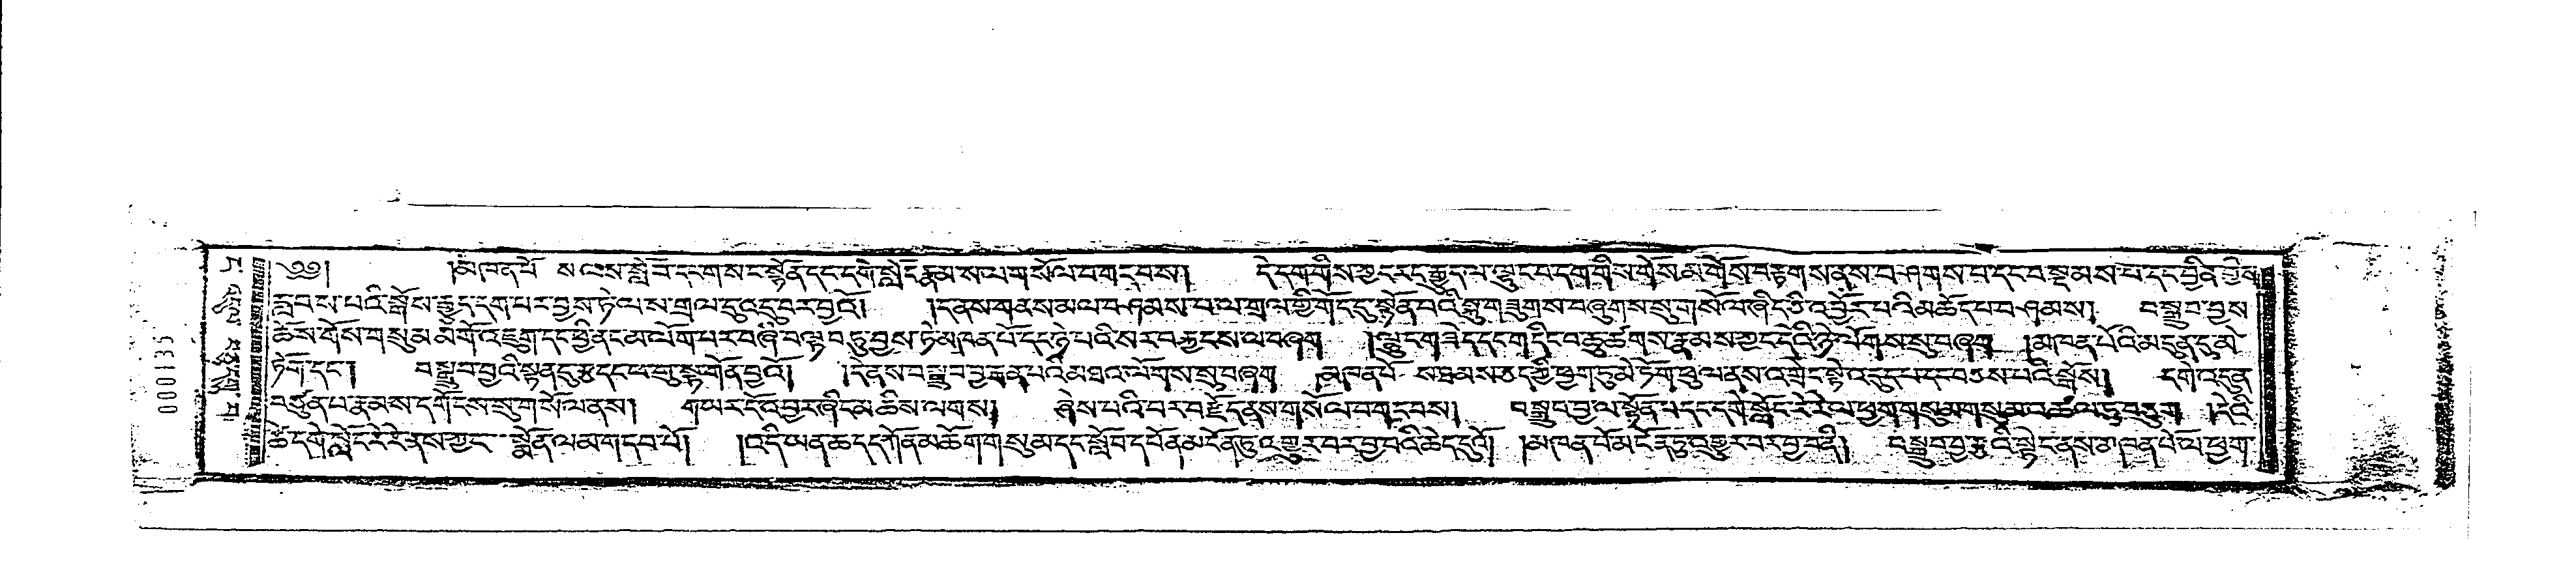༄༅། །མཁན་པོས་ལས་སློབ་དང་གསང་སྟོན་དང་དགེ་སློང་རྣམས་ལ་གསོལ་བ་གདབས། དེ་དག་གིས་ཀྱང་རང་རྒྱུད་ལ་ལྟུང་བ་དག་གིས་གོས་མ་གོས་བརྟགས་ནས་བཤགས་པ་དང་བསྡམས་པ་དང་བྱིན་གྱིས་
རླབས་པའི་སྒོས་རྒྱུད་དག་པར་བྱས་ཏེ་ལས་གྲལ་དུ་འདུ་བར་བྱའོ། །ད་ནས་གནས་མལ་བཤམས་པ་ལ་གྲལ་གྱི་གོང་དུ་སྟོན་པའི་སྐུ་གཟུགས་བཞུགས་སུ་གསོལ་ཞིང་ཅི་འབྱོར་པའི་མཆོད་པ་བཤམས། བསྒྲུབ་བྱས་
ཆོས་གོས་གསུམ་མགོ་འཇུག་དང་ཕྱི་ནང་མ་ལོག་པར་བཞི་བལྟབ་ཏུ་བྱས་ཏེ་མཁན་པོ་དང་ཉེ་པའི་སར་བརྐྱངས་ལ་བཞག །ལྷུང་གཟེད་དང་གདིང་བ་ཆུ་ཚགས་རྣམས་ཀྱང་དེའི་ཉེ་ལོགས་སུ་བཞག །མཁན་པོའི་མདུན་དུ་མེ་
ཏོག་དང་། བསྒྲུབ་བྱའི་སྟན་དུ་རྩ་དང་ཕ་གུ་སྟ་གོན་བྱའོ། །དེ་ནས་བསྒྲུབ་བྱ་རྒན་པའི་མཐའ་ལོགས་སུ་བཞག །མཁན་པོ་ས་ཐམས་ཅད་ཀྱི་ཕྱག་ཏུ་མེ་ཏོག་ཕུལ་ནས་འགྲེང་སྟེ་འདུད་པ་དང་བཅས་པའི་སྒོས། དགེ་འདུན་
བཙུན་པ་རྣམས་དགོངས་སུ་གསོལ་ནས། གཡར་ངོ་འབྱར་ཞིང་མཆིས་ལགས། ཞེས་པའི་བར་བརྗོད་ནས་གསོལ་བ་གདབས། བསྒྲུབ་བྱ་ལ་སྟོན་པ་དང་དགེ་སློང་རེ་རེ་ལ་ཕྱག་གསུམ་གསུམ་འཚལ་ཏུ་བཅུག །དེའི་
ཚེ་དགེ་སློང་རེ་རེ་ནས་ཀྱང་སྨོན་ལམ་གདབ་པོ། །འདི་ཡན་ཆད་དཀོན་མཆོག་གསུམ་དང་སློབ་དཔོན་མངོན་ཏུ་འགྱུར་བར་བྱ་བའི་ཆེད་དུའོ། །མཁན་པོ་མངོན་ཏུ་འགྱུར་བར་བྱ་བ་ནི། བསྒྲུབ་བྱ་རྩའི་སྟེང་ནས་མཁན་པོ་ལ་ཕྱག་